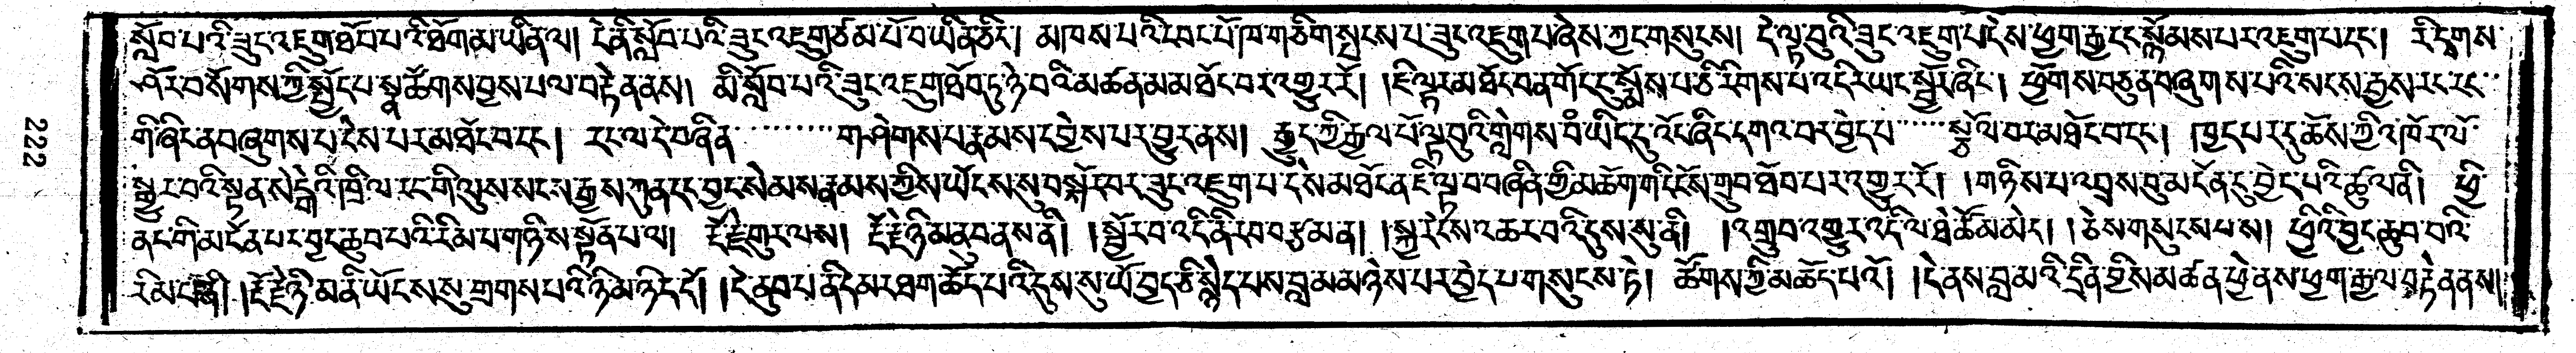སློབ་པའི་ཟུང་འཇུག་ཐོབ་པའི་ཐོག་མ་ཡིན་ལ། དེ་ནི་སློབ་པའི་ཟུང་འཇུག་ཙམ་པོ་བ་ཡིན་ཅིང་། མཁས་པའི་དབང་པོ་ཁ་གཅིག་སྤངས་པ་ཟུང་འཇུག་པ་ཞེས་ཀྱང་གསུངས། དེ་ལྟ་བུའི་ཟུང་འཇུག་པ་དེས་ཕྱག་རྒྱ་དང་སྙོམས་པར་འཇུག་པ་དང་། རི་དྭགས་
ཤོར་བ་སོགས་ཀྱི་སྤྱོད་པ་སྣ་ཚོགས་བྱས་པ་ལ་བརྟེན་ནས། མི་སློབ་པའི་ཟུང་འཇུག་ཐོབ་ཏུ་ཉེ་བའི་མཚན་མ་མཐོང་བར་འགྱུར་རོ། །ཇི་ལྟར་མཐོང་བ་ན་གོང་དུ་སྨོས་པ་ཅི་རིགས་པ་འདིར་ཡང་སྦྱོར་ཞིང་། ཕྱོགས་བཅུ་ན་བཞུགས་པའི་སངས་རྒྱས་རང་རང་
གི་ཞིང་ན་བཞུགས་པ་ངེས་པར་མཐོང་བ་དང་། རང་ལ་དེ་བཞིན་གཤེགས་པ་རྣམས་དགྱེས་པར་གྱུར་ནས། རྒྱུད་ཀྱི་རྒྱལ་པོ་ལྟ་བུའི་གླེགས་བཾ་ཡིད་དུ་འོད་ཞིང་དགའ་བར་བྱེད་པ་སྩོལ་བར་མཐོང་བ་དང་། ཁྱད་པར་དུ་ཆོས་ཀྱི་འཁོར་ལོ་
སྒྱུར་བའི་སྟན་སེངྒེའི་ཁྲི་ལ་རང་གི་ལུས་སངས་རྒྱས་ཀུན་དང་བྱང་སེམས་རྣམས་ཀྱིས་ཡོངས་སུ་བསྐོར་བར་ཟུང་འཇུག་པ་དེས་མཐོང་ན་ཇི་ལྟ་བ་བཞིན་གྱི་མཆོག་གི་དངོས་གྲུབ་ཐོབ་པར་འགྱུར་རོ། །གཉིས་པ་འབྲས་བུ་མངོན་དུ་བྱེད་པའི་ཚུལ་ནི། ཕྱི་
ནང་གི་མངོན་པར་བྱང་ཆུབ་པའི་རིམ་པ་གཉིས་སྟོན་པ་ལ། རྡོ་རྗེ་གུར་ལས། རྡོ་རྗེ་ཉི་མ་ནུབ་ནས་ནི། །སྦྱོར་བ་འདི་ནི་རབ་བརྩམ་ན། །སྐྱ་རེངས་འཆར་བའི་དུས་སུ་ནི། །འགྲུབ་འགྱུར་འདི་ལ་ཐེ་ཚོམ་མེད། །ཅེས་གསུངས་པས། ཕྱིའི་བྱང་ཆུབ་བའི་
རིམ་པ་ནི། །རྡོ་རྗེ་ཉི་མ་ནི་ཡོངས་སུ་གྲགས་པའི་ཉི་མ་ཉིད་དོ། །དེ་ནུབ་པ་ནི་དམར་ཐག་ཆོད་པའི་དུས་སུ་ཡོ་བྱད་ཅི་སྙེད་པས་བླ་མ་མཉེས་པར་བྱེད་པ་གསུངས་ཏེ། ཚོགས་ཀྱི་མཆོད་པའོ། །དེ་ནས་བླ་མའི་དྲིན་གྱིས་མཚན་ཕྱེ་ནས་ཕྱག་རྒྱལ་བརྟེན་ནས།